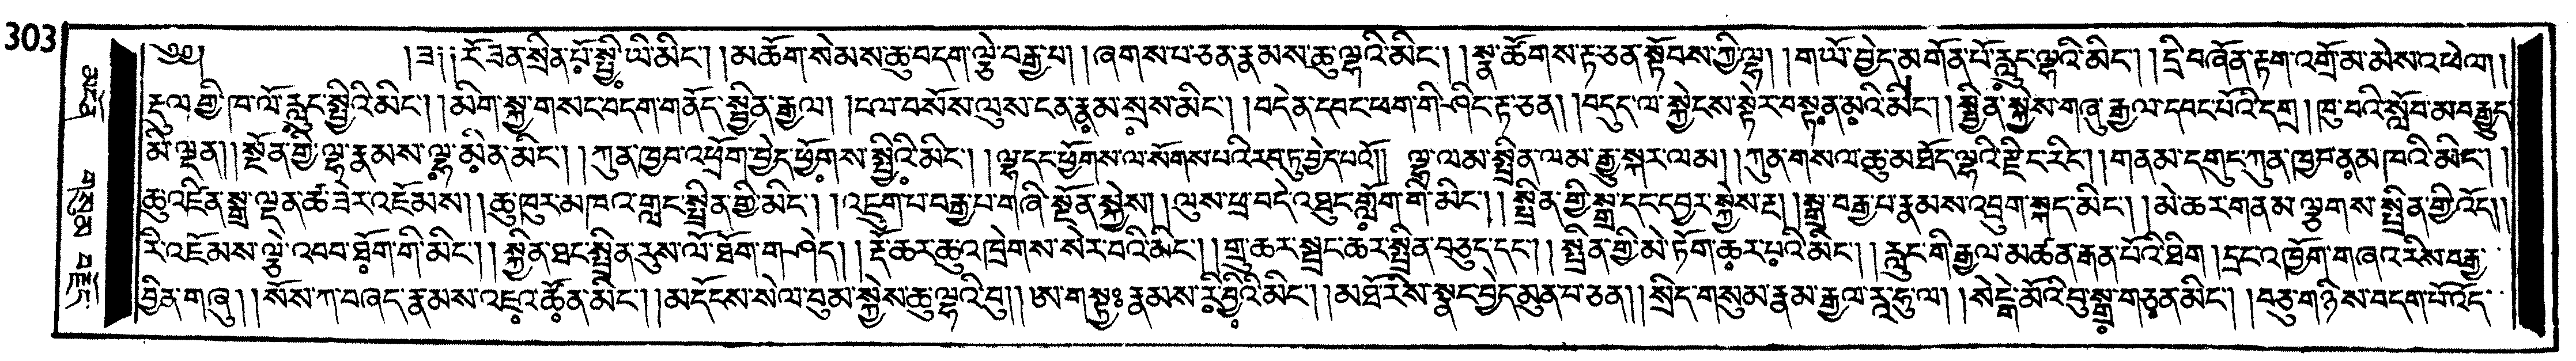༄༅། །ཟ༑ ༑རོ་ཟན་སྲིན་པོ྾་སྤྱི྾་ཡི་མིང་། །མཆོག་སེམས་ཆུ་བདག་ལྕེ་བརྒྱ་པ། །ཞགས་པ་ཅན་རྣམས་ཆུ་ལྷའི་མིང་། །སྣ་ཚོགས་རྟ་ཅན་སྟོབས་ཀྱི་ལྷ། །གཡོ་བྱེད་མགོན་པོ་རླུང་ལྷའི་མིང་། །དྲི་བཞོན་རྟག་འགྲོ་མ་མེས་འཕེལ། །
རྡུལ་གྱི་ཁ་ལོ་རླུང་སྤྱིའི་མིང་། །མིག་སྐྱ་གསང་བདག་གནོད་སྦྱིན་རྒྱལ། །ངལ་བསོས་ལུས་ངན་རྣམ྾་སྲས྾་མིང་། །བདེན་དབང་ཕག་གི་ཤིང་རྟ་ཅན། །བདུད་ལ་སྐྱེངས་སྟེར་བསྟན྾་མའི྾་མིང་། །སྦྱིནཾ་སྐྱེས་གཟུ་རྒྱལ་དབང་པོའི་དགྲ་།ཁུ་བའི་སློབ་མ་བརྒྱུད་
མི་ལྡན། །སྔོན་གྱི་ལྷ་རྣམས་ལྷ་མིན྾་མིང་། །ཀུན་ཁྱབ་འཕྲོག་བྱེད་ཕྱོགས྾་སྤྱིའི་མིང་། །ལྷ་དང་ཕྱོགས་ལ་སོགས་པའི་རབ་ཏུ་བྱེད་པའོ།། ལྷ་ལམ་སྤྲིན་ལམ་རྒྱུ་སྐར་ལམ། །ཀུན་གསལ་ཆུ་མཐོད་ལྷའི་རྫིང་རིང་། །གནམ་དགུང་ཀུན་ཁྱབ་ནམ྾་ཁའི་མིང་། །
ཆུ་འཛིན་སྒྲ་ལྡན་ཚ་ཟེར་འཇོམས། །ཆུ་ཁུར་མཁའ་གླང་སྤྲིན་གྱི་མིང་། །འཇུག་པ་བརྒྱ་པ་གཞི་སྔོན་སྐྱེས། །ལུས་ཕྲ་བདེ་འཐུང་གློག་གི་མིང་། །སྤྲིན་གྱི་སྒྲ་དང་དབྱར་སྐྱེས་རྔ། །སྒྲ་བརྒྱ་པ་རྣམས་འབྲུག་སྐད་མིང་། །མེ་ཆར་གནམ་ལྕགས་སྤྲིན་གྱི་འོད། །
རི་འཇོམས་ལྕེ་འབབ་ཐོག྾་གི་མིང་། །སྐྱིན་ཐང་སྤྲིན་རུས་ལོ་ཐོག་གཤེད། །རྡོ་ཆར་ཆུ་འཁྲེགས་སེར་བའི་མིང་། །གྲུ་ཆར་སྦྲང་ཆར་སྤྲིན་བཅུད་དང་། །སྤྲིན་གྱི་མེ་ཏོག་ཆར྾་པའི྾་མིང་། །རླུང་གི་རྒྱལ་མཚན་རྒན་པོའི་ཐིག །དྲང་འཁྱོག་གཞའ་རིས་བརྒྱ་
བྱིན་གཞུ། །སོས་ཀ་བཞད་རྣམས་འཇའ྾་ཚོན྾་མིང་། །མདོངས་སེལ་བུམ་སྐྱེས་ཆུ་ལྷའི་བུ། །ཨ་གསྟྱཿ རྣམས་རི྾་བྱིའི྾་མིང་། །མཐོ་རིས་སྣང་བྱེད་མུན་པ་ཅན། །སྲིད་གསུམ་རྣམ་རྒྱལ་རཱ་ཧུ་ལ། །སེངྒེ་མོའི་བུ་སྒྲ྾་གཅན་མིང་། །བཅུ་གཉིས་བདག་པོ་འོད་